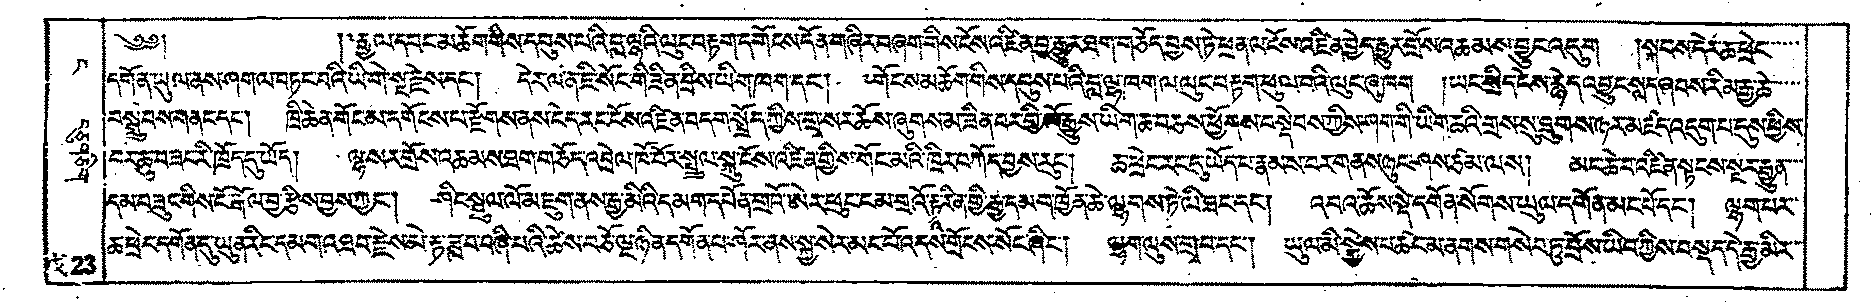༄༅། །༧རྒྱལ་དབང་མཆོག་གིས་དབུས་པའི་བླ་ལྷའི་ལུང་བརྟག་དགོངས་དོན་གཞིར་བཞག་གིས་ངོས་འཛིན་བྱ་རྒྱུར་ཐག་གཅོད་བྱས་ཏེ་ཕྲན་ལ་ངོས་འཛིན་བྱེད་རྒྱུར་གྲོས་འཆམས་བྱུང་འདུག །སྐབས་དེར་ཆ་ཕྲེང་
དགོན་ཡུལ་ནས་ཤག་ལ་བཏང་བའི་ཡི་གེ་སྔ་རྗེས་དང་། དེར་ལ་ན་ཇི་སོང་གི་ཟིན་བྲིས་ཡིག་ཁག་དང་། ༧་གོང་ས་མཆོག་གིས་དབུས་པའི་བླ་ལྷ་ཁག་ལ་ལུང་བརྟག་ཕུལ་བའི་ལུང་ཞུ་ཁག །ཡང་སྲིད་ངེས་རྙེད་འབྱུང་སླད་ཞབས་རིམ་རྒྱ་ཆེ་
བསྒྲུབས་གནང་དང་། ཁྲི་ཆེན་གོང་མ་དགོངས་པ་རྫོགས་ནས་ངེད་རང་ངོས་འཛིན་བདག་སྤྲོད་ཀྱིས་གྲྭ་སར་ཆོས་ཞུགས་མ་ཟིན་བར་གྱི་ལོ་རྒྱུས་ཡིག་ཆ་བཅས་ཕྱོགས་བསྡེབས་ཀྱིས་ཤག་གི་ཡིག་ཆའི་གྲས་སུ་ཐུགས་ཉར་མཛད་འདུག་པ་དུས་ཕྱིས་
བར་ཆུ་བཟང་རི་ཁྲོད་དུ་ཡོད། ལྷ་སར་གྲོས་འཆམས་ཐག་གཅོད་འབྲེལ་ཁོ་བོར་སྤྲུལ་སྐུ་ངོས་འཛིན་གྱིས་གོང་མའི་ཁྲིར་བཀོད་བྱས་རུང་། ཆ་ཕྲེང་རང་དུ་ཡོད་པ་རྣམས་བར་གནས་ཉུང་ཤས་ཙམ་ལས། མང་ཆེ་བ་འཛིན་སྟངས་སྔར་རྒྱུན་
དམ་བཟུང་གིས་ངོ་རྒོལ་བྱ་རྩིས་བྱས་ཀྱང་། ཤིང་སྦྲུལ་ལོ་མཇུག་ནས་རྒྱ་མིའི་དམག་དཔོན་གྲའོ་ཨེར་ཕུང་ངམ་གྲའོ་རྟ་རིན་གྱི་རྒྱ་དམག་ཁྱོན་ཆེ་ལྷགས་ཏེ་ལི་ཐང་དང་། འབའ་ཆོས་སྡེ་དགོན་སོགས་ཡུལ་དགོན་མང་པོ་དང་། ལྷག་པར་
ཆ་ཕྲེང་དགོན་དུ་ཡུན་རིང་དམག་འཐབ་རྗེས་མེ་རྟ་ཟླ་བ་བཞི་པའི་ཚེས་བཅོ་ལྔ་ཉིན་དགོན་པ་ཤོར་ནས་སྐྱ་སེར་མང་པོ་འདས་གྲོངས་སོང་ཞིང་། ལྷག་ལུས་གྲྭ་པ་དང་། ཡུལ་མི་སྐྱེས་པ་ཚང་མ་ནགས་གསེབ་ཏུ་བྲོས་ཡིབ་ཀྱིས་བསྡད་དེ་རྒྱ་མིར་